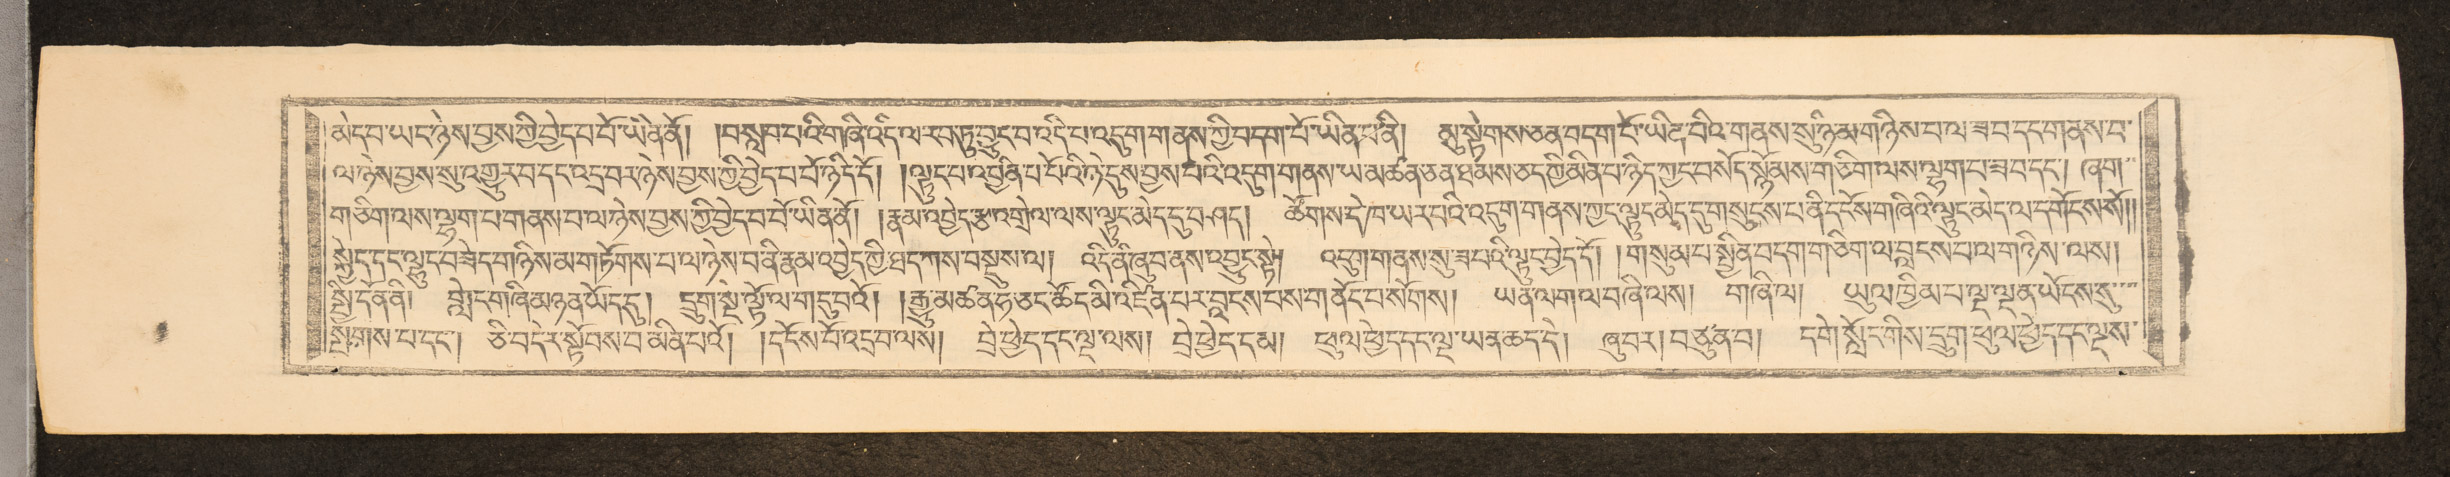མེད་པ་ཡང་ཉེས་བྱས་ཀྱི་བྱེད་པ་པོ་ཡིན་ནོ། །བསླབ་པའི་གཞི་འདི་ལ་རབ་ཏུ་བྱུང་བ་འདི་པ་འདུག་གནས་ཀྱི་བདག་པོ་ཡིན་པ་ནི། མུ་སྟེགས་ཅན་བདག་པོ་ཡིན་པའི་གནས་སུ་ཉི་མ་གཉིས་པ་ལ་ཟ་བ་དང་གནས་པ་
ལ་ཉེས་བྱས་སུ་འགྱུར་བ་དང་འདྲ་བར་ཉེས་བྱས་ཀྱི་བྱེད་པ་པོ་ཉིད་དོ། །ལྟུང་བ་འབྱིན་པ་པོའི་ཉེ་དུས་བྱས་པའི་འདུག་གནས་ཡ་མཚན་ཅན་ཐམས་ཅད་ཀྱི་མིན་པ་ཉིད་ཀྱང་བསོད་སྙོམས་གཅིག་ལས་ལྷག་པ་ཟ་བ་དང་། ཞག་
གཅིག་ལས་ལྷག་པ་གནས་པ་ལ་ཉེས་བྱས་ཀྱི་བྱེད་པ་པོ་ཡིན་ནོ། །རྣམ་འབྱེད་རྩ་འགྲེལ་ལས་ལྟུང་མེད་དུ་བཤད། ཚོགས་དེ་ཁ་ཡར་བའི་འདུག་གནས་ཀྱང་ལྟུང་མེད་དུ་གསུངས་པ་ནི་དངོས་གཞིའི་ལྟུང་མེད་ལ་དགོངས་སོ།།
སྐྱེད་དང་ལྷུང་བཟེད་གཉིས་མ་གཏོགས་པ་ལ་ཉེས་པ་ནི་རྣམ་འབྱེད་ཀྱི་ཐད་ཀས་བསྡུས་ལ། འདི་ནི་ཞུ་བ་ནས་འབྱུང་སྟེ། འདུག་གནས་སུ་ཟ་བའི་ལྟུང་བྱེད་དོ། །གསུམ་པ་སྦྱིན་བདག་གཅིག་ལ་བསླངས་པ་ལ་གཉིས་ལས།
སྤྱི་དོན་ནི། གླེང་གཞི་མཉན་ཡོད་དུ། དྲུག་སྡེ་ལྟོ་ལ་གདུ་བའོ། །རྒྱུ་མཚན་ཧ་ཅང་ཚོད་མི་འཛིན་པར་བླངས་པས་གནོད་པ་སོགས། ཡན་ལག་ལ་བཞི་ལས། གཞི་ལ། ཡུལ་ཁྱིམ་པ་ལྔ་ལྡན་ཡོངས་སུ་
སྤགས་པ་དང་། ཅི་བདེར་སྟོབས་པ་མིན་པའོ། །དངོས་པོ་འདྲ་བ་ལས། བྲེ་ཕྱེད་དང་ལྔ་ལས། བྲེ་ཕྱེད་དམ། ཕུལ་བྱེད་དང་ལྔ་ཡན་ཆད་དེ། ཞུ་བར། བཙུན་པ། དགེ་སློང་གིས་དྲུག་ཕུལ་ཕྱེད་དང་ལྔས་